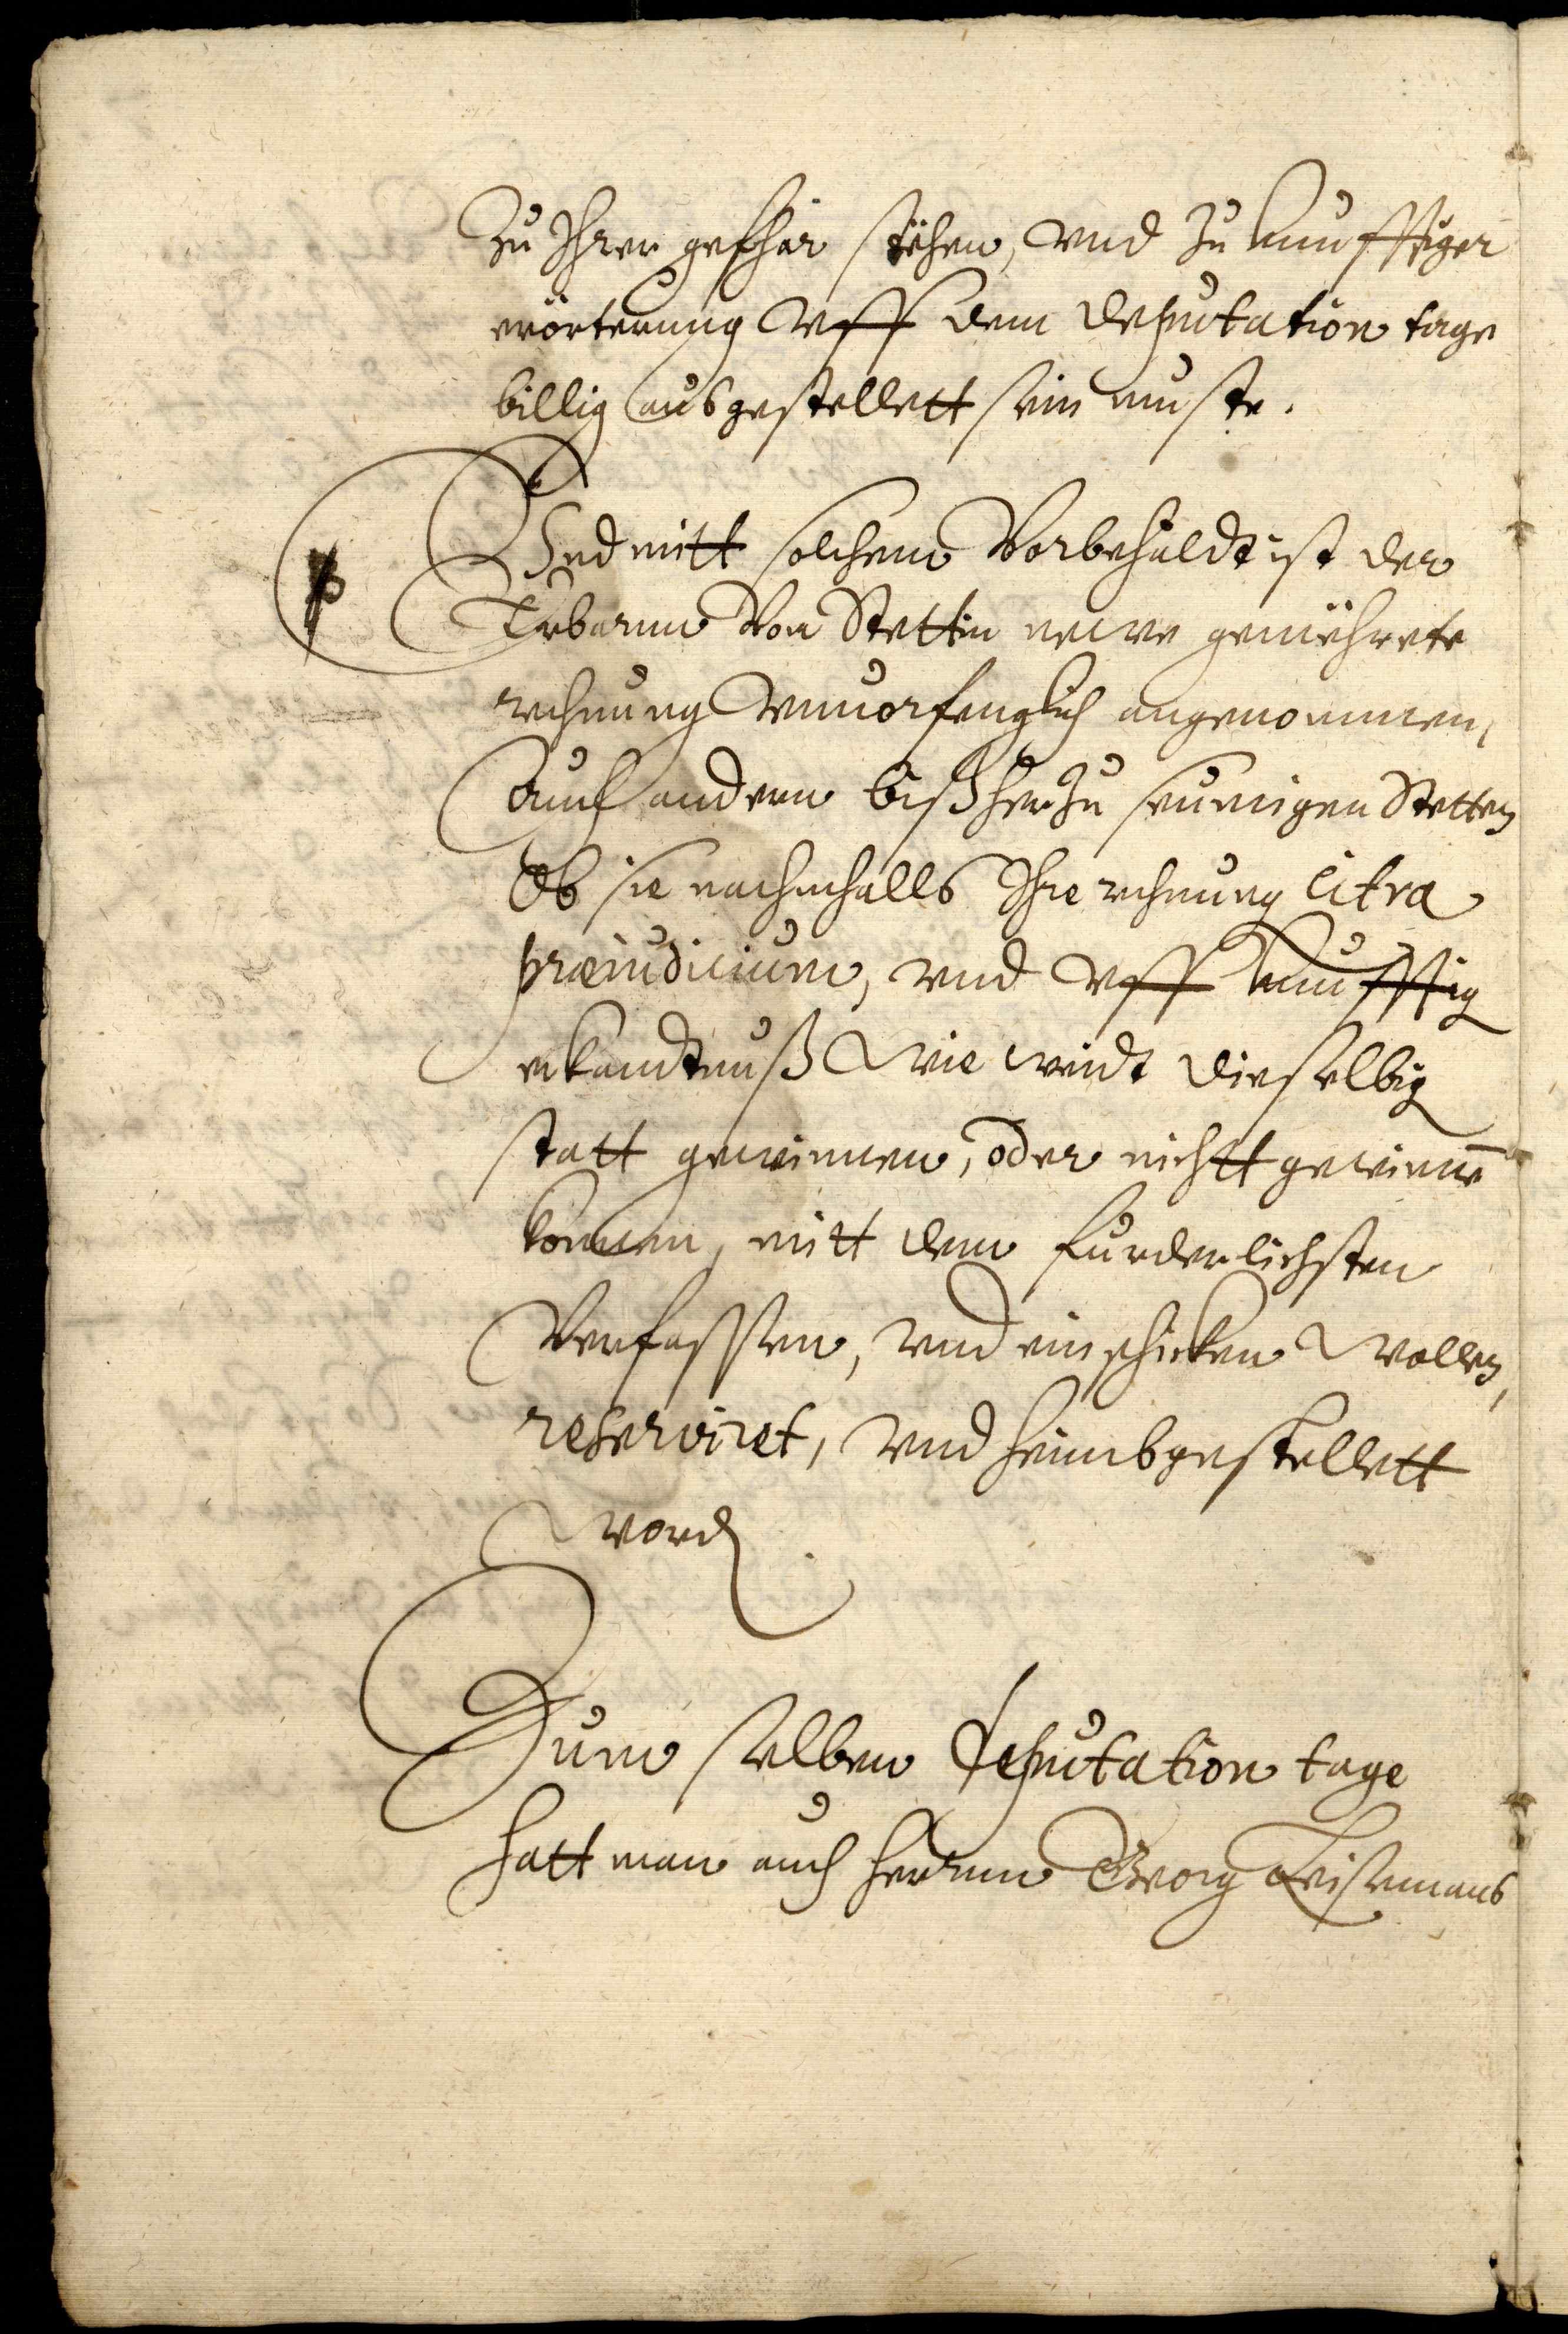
Zu Ihrer gefhar stehen vnd zu kunfftiger
erörterung Vff dem deputation tage
billig ausgestellett sein muste.
Vnd mitt solchem Vorbehaldt ist den
Erbaren von Stettin newe gemehrete
rechnung Vnuorfenglich angenommen,
Auch andern bißher Zu seumigen Stetten
Ob sie nachmalls Ihre rechnung citra
praeiudicium, vnd vff kunfftiger
erkenndtnuß wie weidt dieselbigen
statt gemeinen, oder nichtt gemeinen
konnen, mitt dem furderlichsten
Verfassten, vnd einschicken wollen,
reserviret, vnd heimbgestellett
worden.
Zum selbem deputations tage
hatt man auch herrnn Georg Leistemanns
